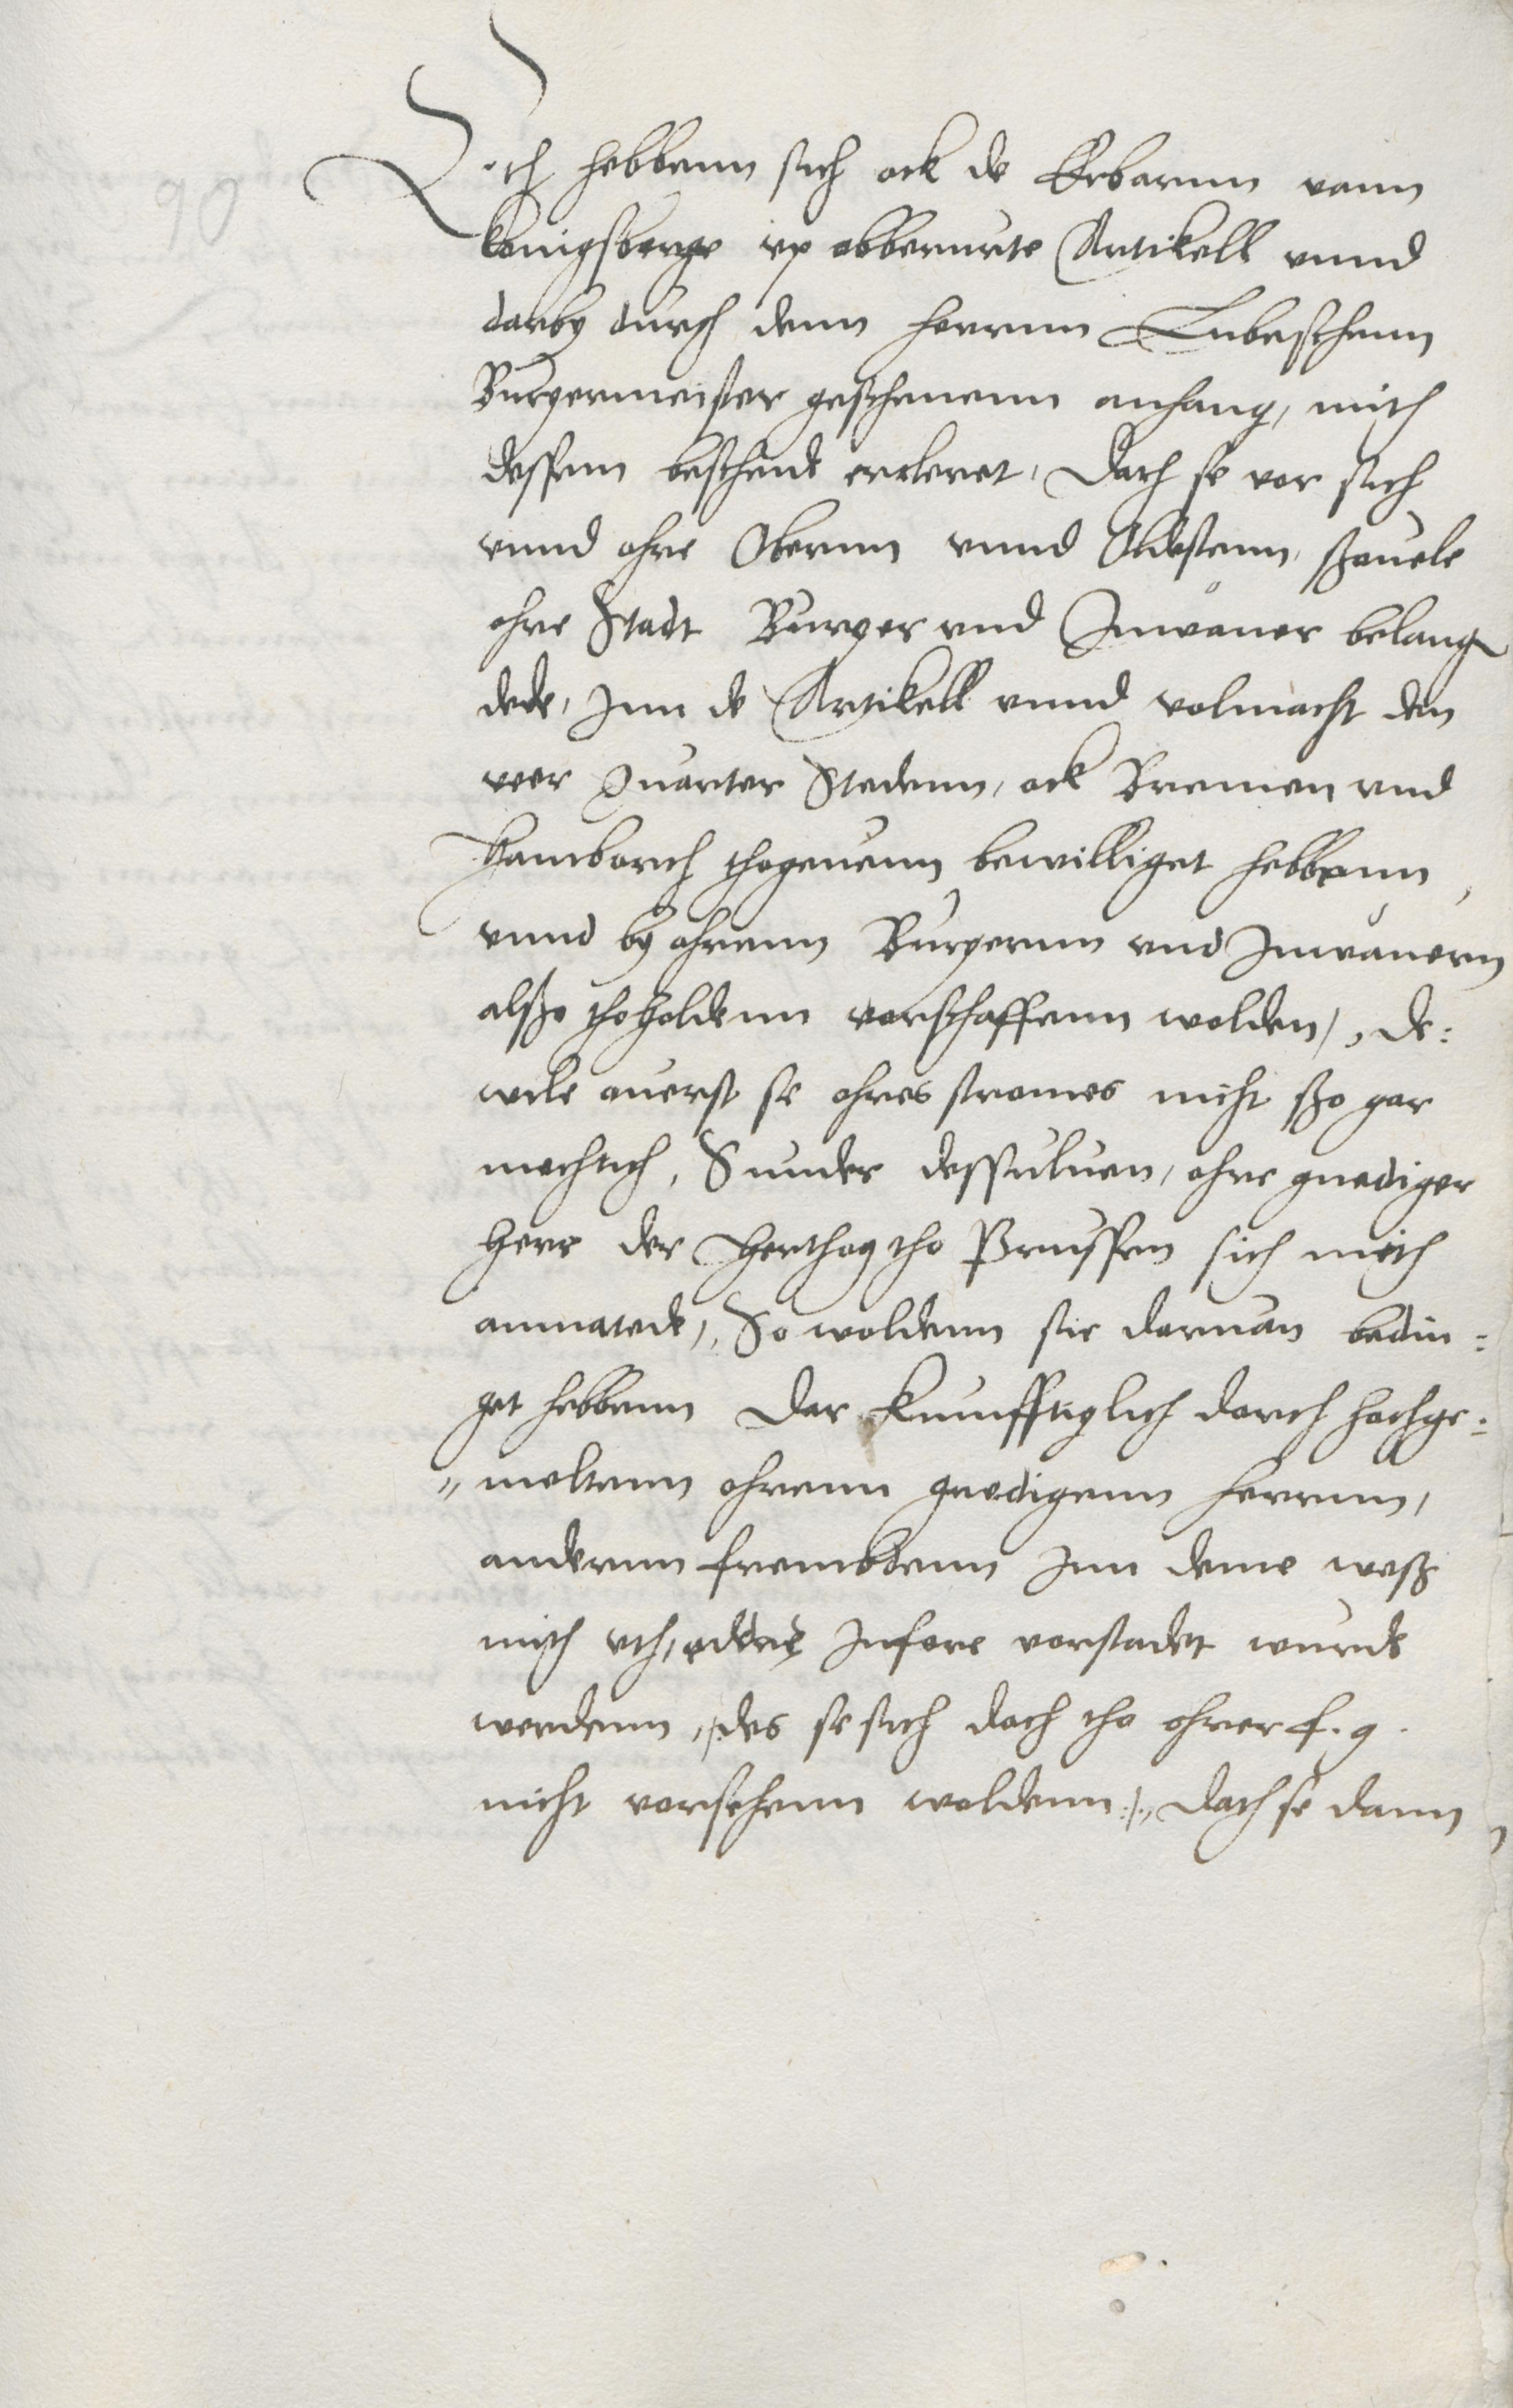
Eth hebbenn sich ock de Erbarnn vann
Konigsberge vp obberurte Artikell vnnd
darby durch denn herrnn Lubeschenn
Burgermeister geschenenn anhang, mith
dessem bescheide ercleret, Dath se vor sich
vnnd ohre Obernn vnnd Oldestenn, ßouele
ohre Stadt Burger vnd jnwaner belangen
dede, jnn de Artikell vnnd volmacht den
veer Quarter Stedenn, ock Bremen vnd
Hamborch thogeuenn bewilliget hebbenn,
vnnd by ohrenn Burgernn vnd jnwanern
alßo thoholdenn vorschaffenn wolden, de¬
wile ouerst se ohres stromes nicht ßo gar
mechtich, Sunder dessuluen, ohre gnediger
Here der Herthog tho Prussen sich mith
anmatede, So woldenn sie daruan bedin¬
get hebbenn Dar kumfftiglich dorch hochge¬
meltenn ohrenn gnedigenn herrnn,
andernn frembdenn jnn deme weß
mith vth edder jnfore vorstadet wurde
werdenn, des se sich doch tho ohrer f. g.
nicht vorsehenn woldenn, Dath se dann
